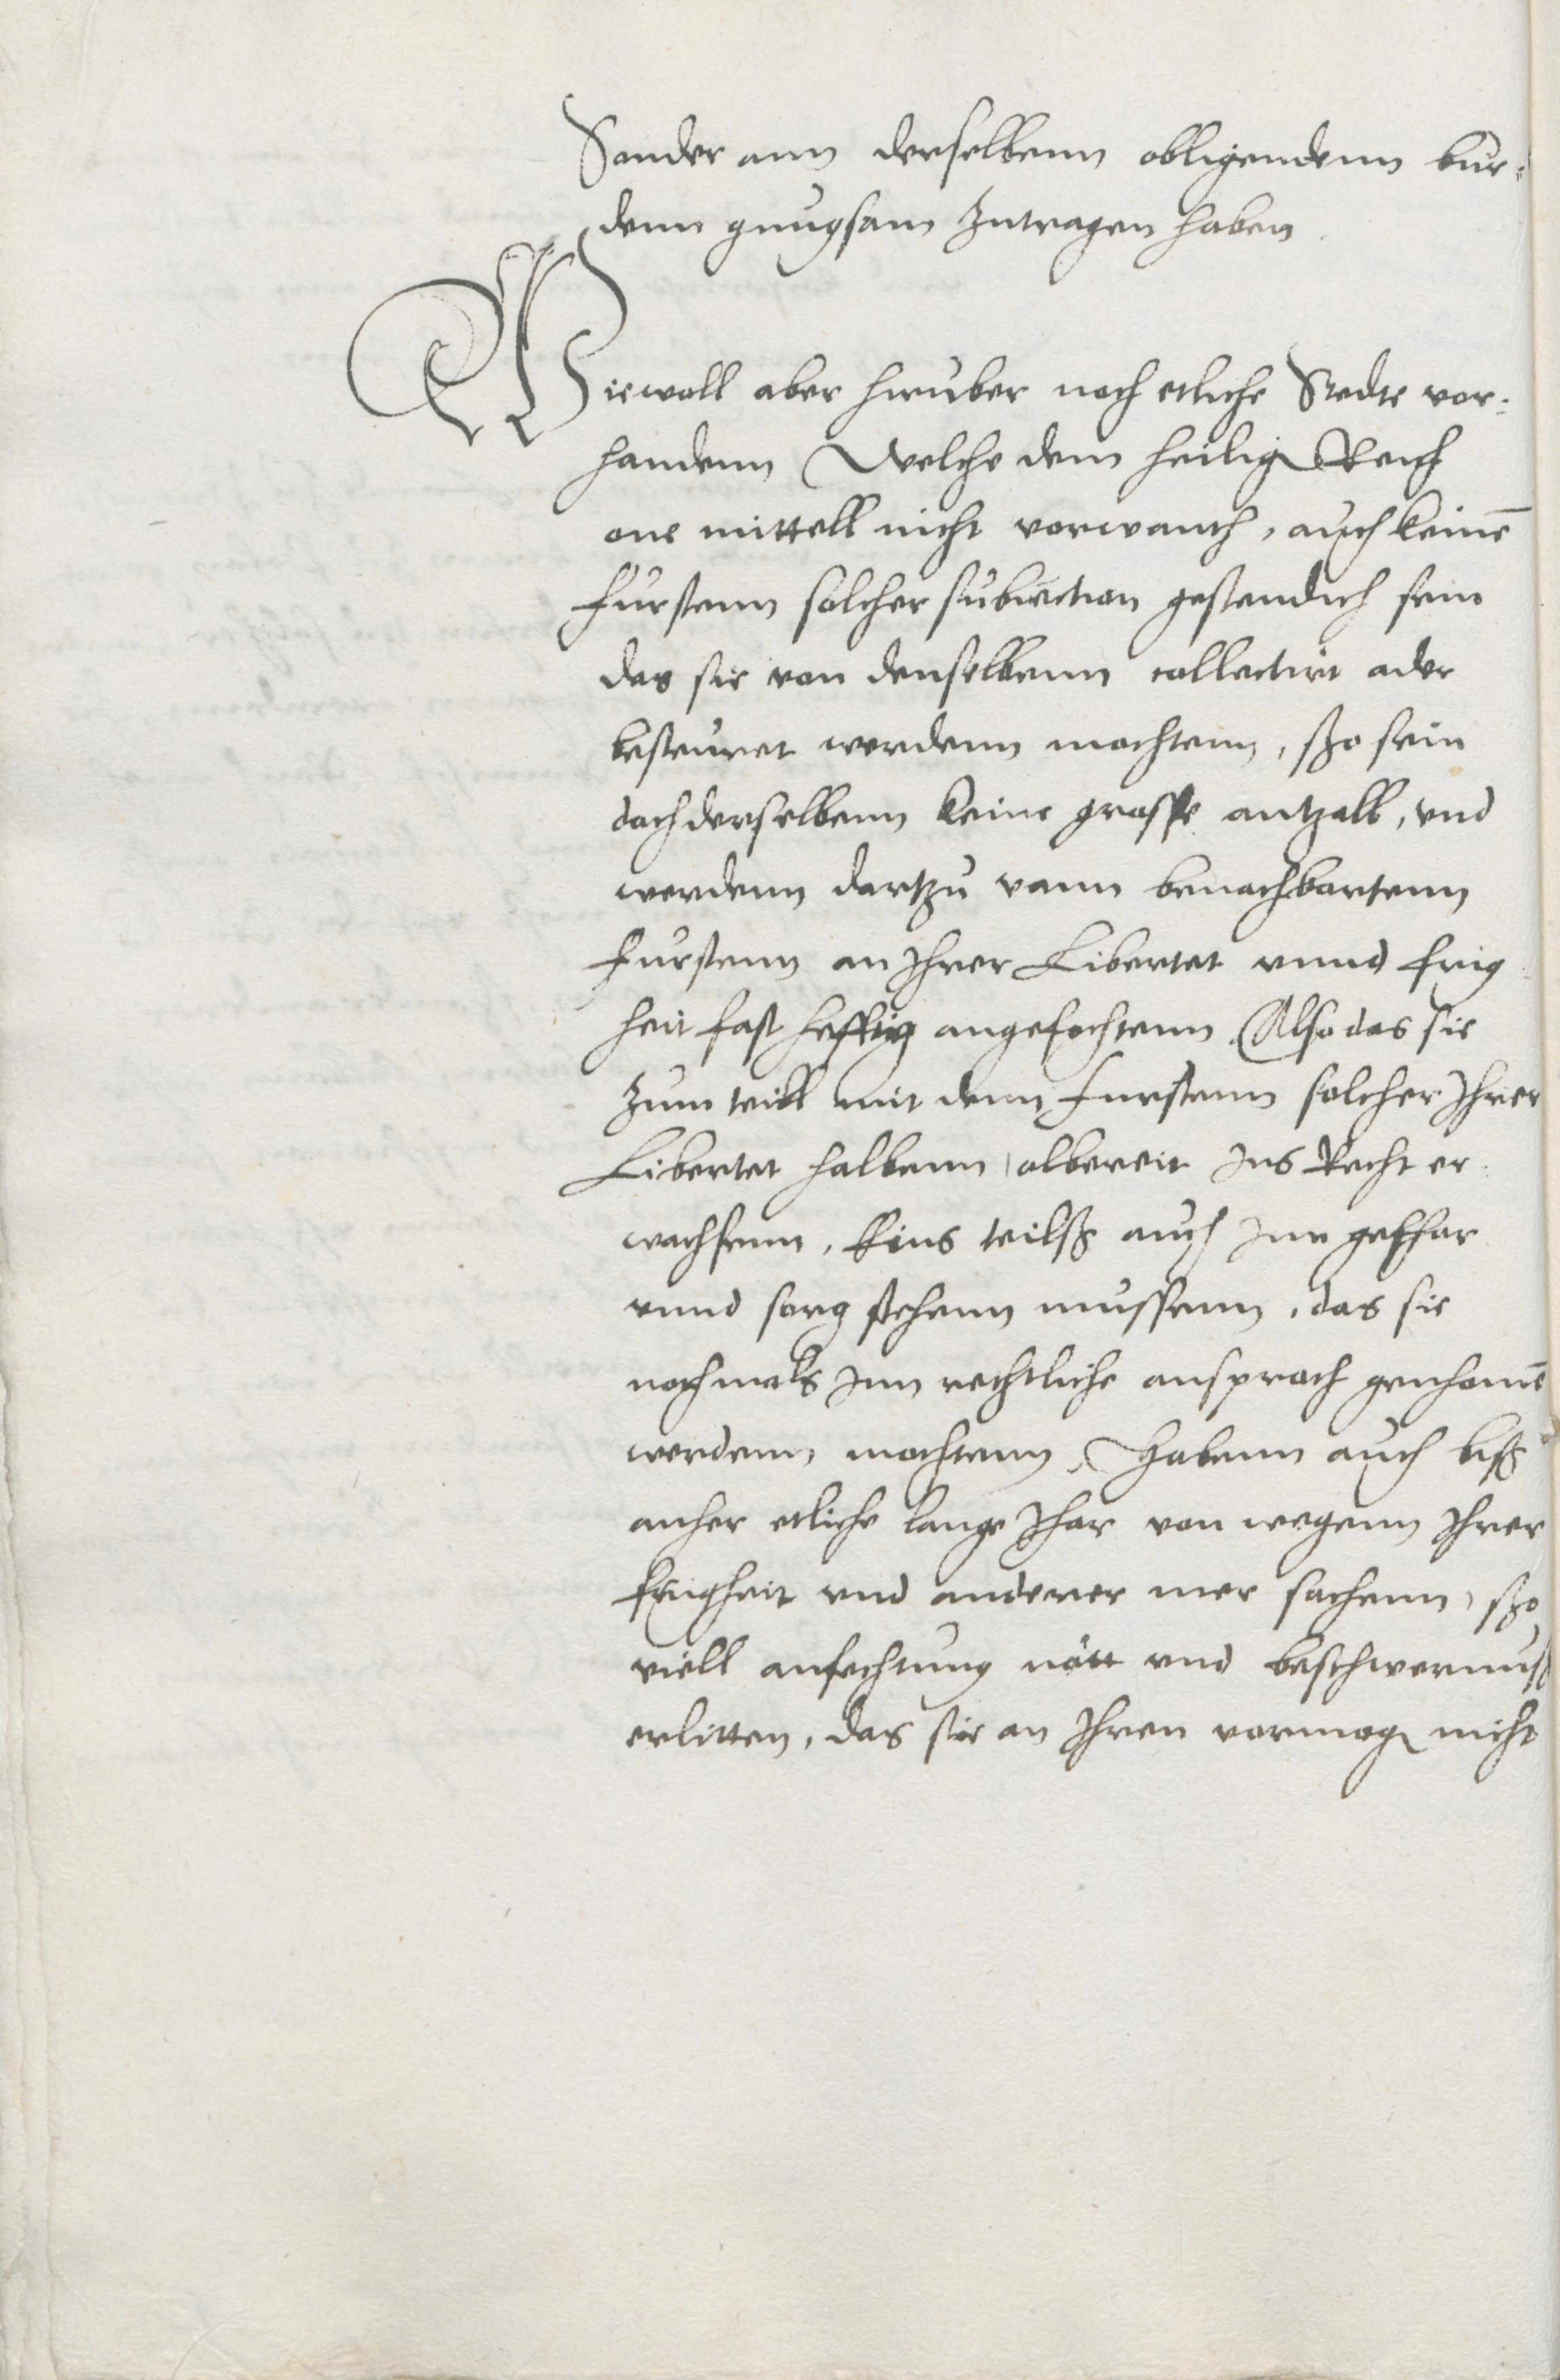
Sonder ann derselbenn obligendenn bur¬
denn gnugsam zutragen haben
Wiewoll aber hiruber noch etliche Stedte vor¬
handenn Welche dem heiligen Reich
one mittell nicht vorwanth, auch keinen
Furstenn solcher subection gestendich sein
das sie von denselbenn collectirt oder
besteuret werdenn mochtenn, ßo sein
doch derselbenn keine grosse antzall, vnd
werdenn dartzu vann benachbortenn
Furstenn an Jhrer Libertet vnnd frig¬
heit fast hefftig angefochtenn. Also das sie
zum teill mit denn Furstenn solcher Jhrer
Libertet halbenn, albereit Jns Recht er¬
wachsenn, Eins teilß auch Jnn gefhar
vnnd sorg stehenn mussenn, das sie
nochmals Jnn rechtliche ansproch genhomen
werdenn mochtenn, Habenn auch biß
anher etliche lange Jhar von wegenn Jhrer
frigheit vnd anderer mer sachenn, ßo
viell anfechtung nott vnd beschwernuß
erlitten, das sie an Jhren vormogen nicht
